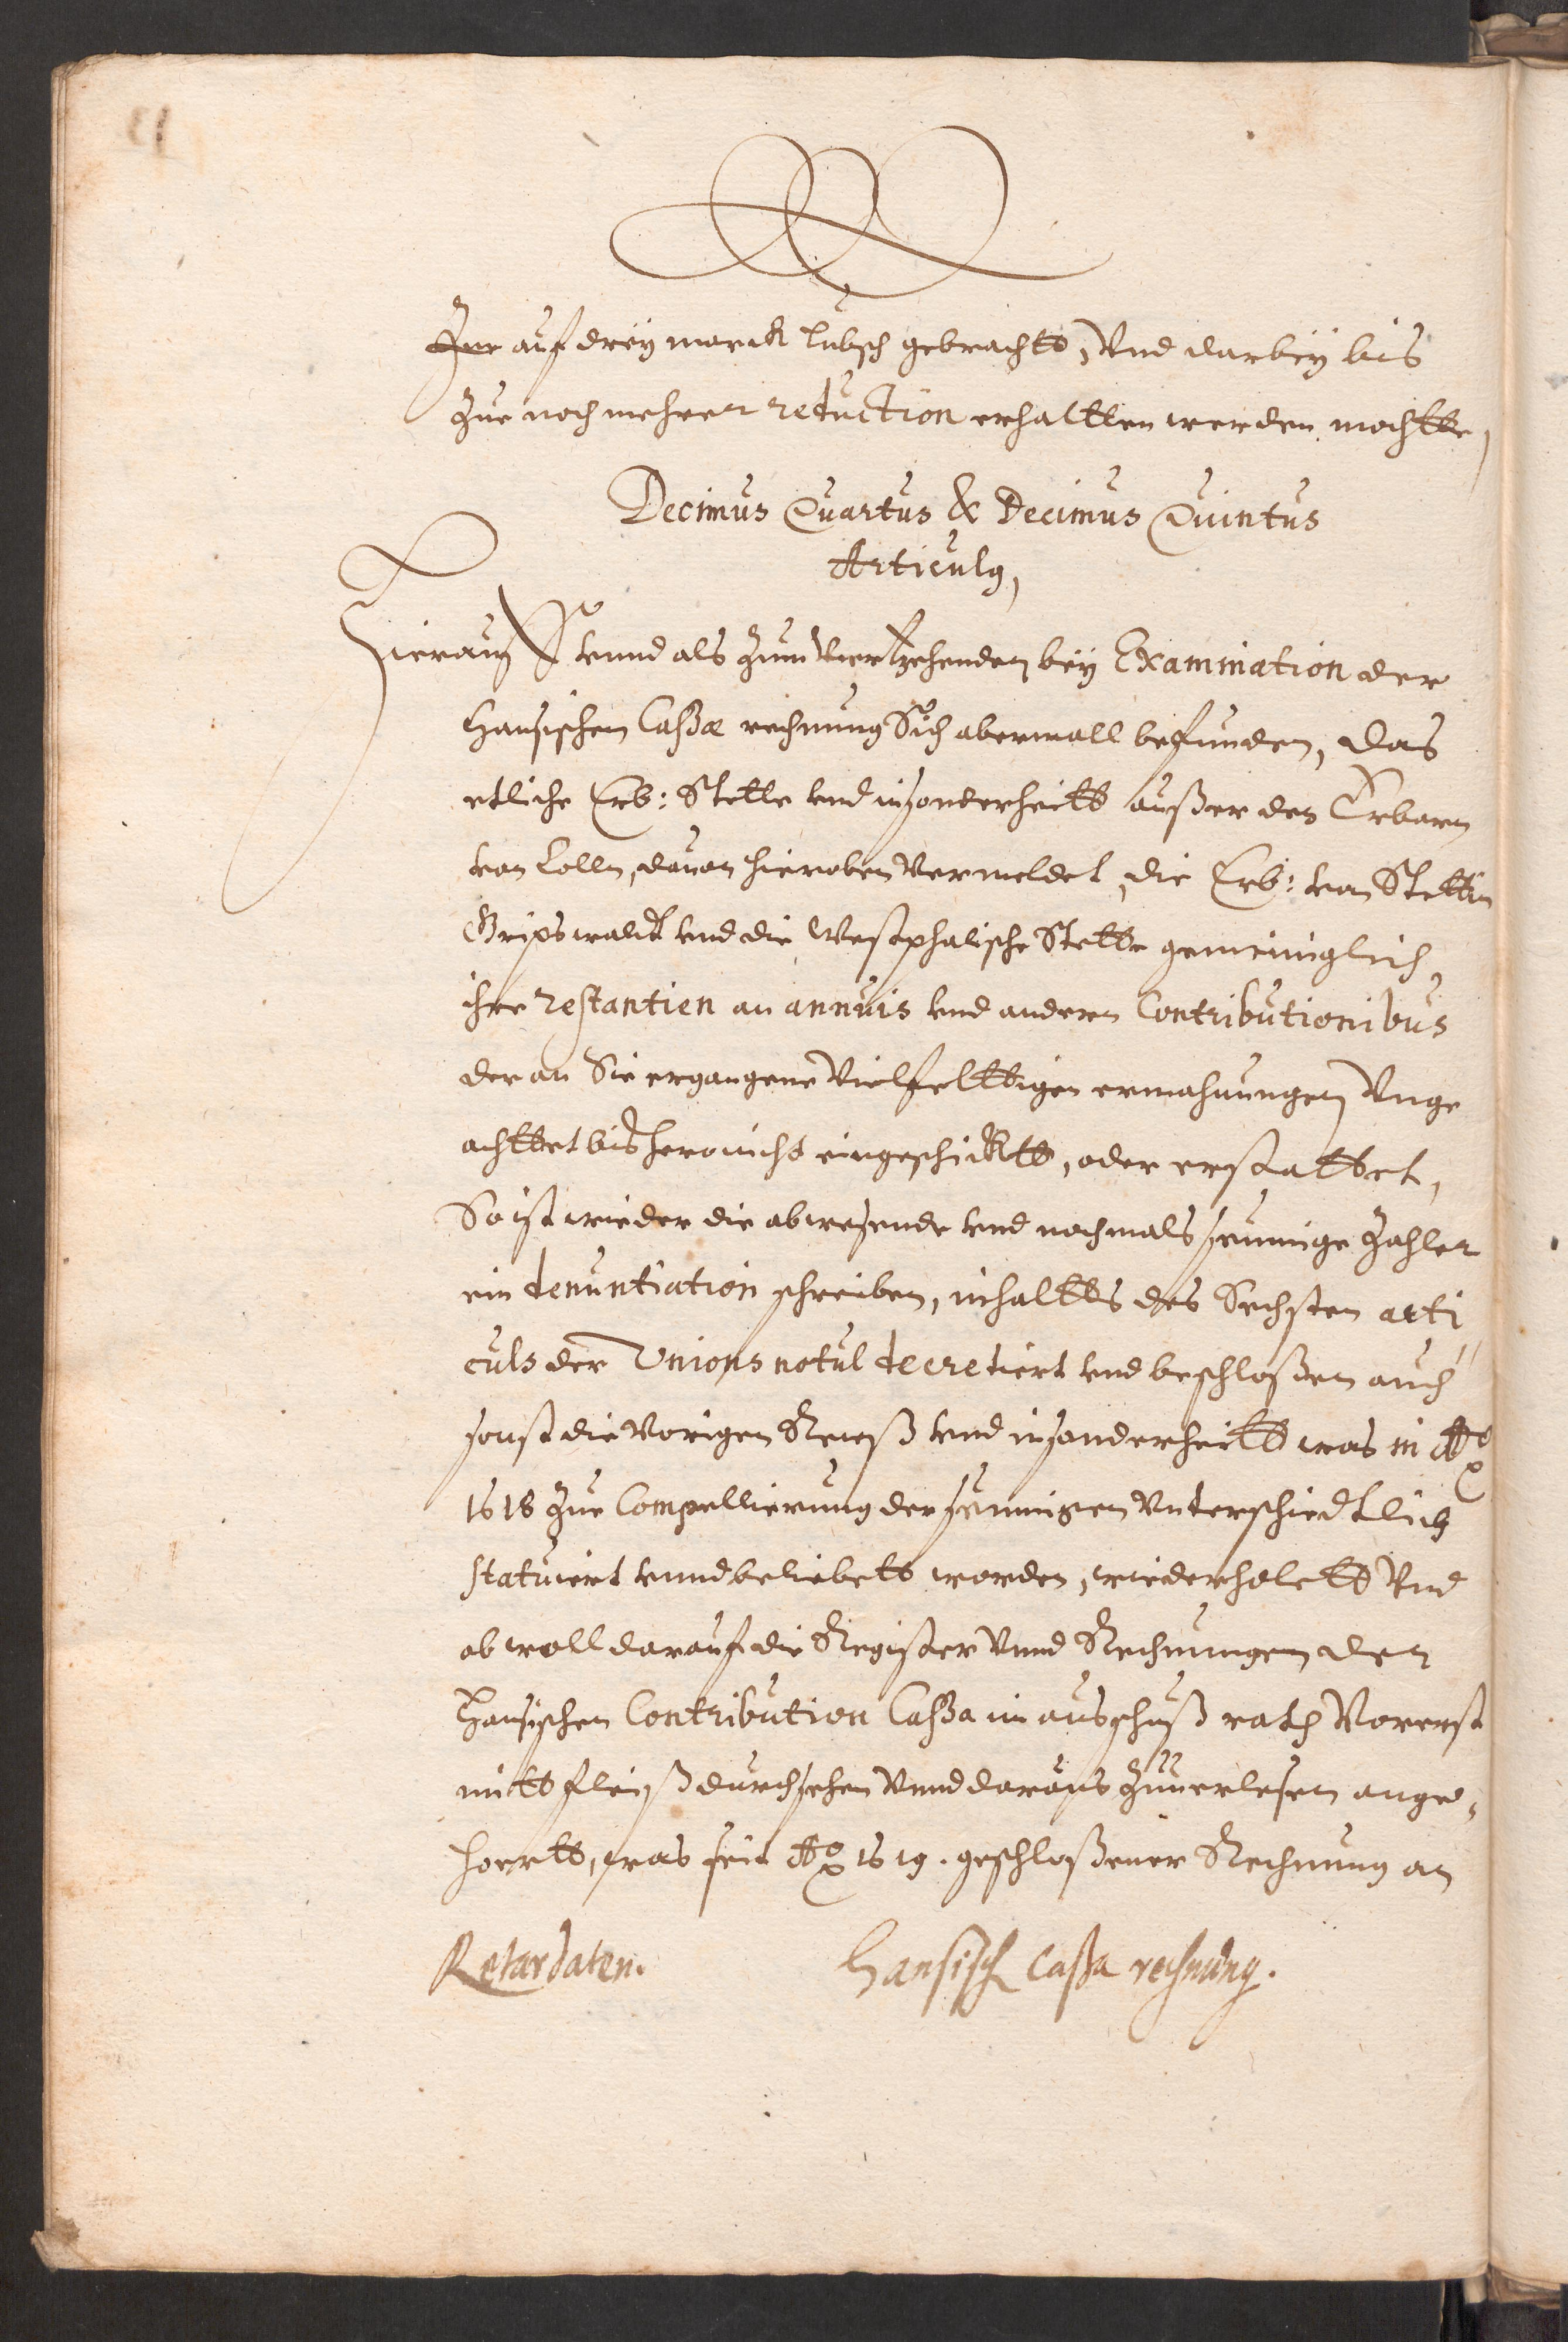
Zue auf dreij marck Lubsch gebrachtt, Vnd darbeij bis
zue noch mehrer reduction erhaltten werden mochtte,
Decimus Quartus & Decimus Quintus
Articulus,
Hierauff vnnd als zum viertzehenden beij Examination der
Hansischen Cassae rechnung Sich abermall befunden, das
etliche Erb: Stette vnd insonderheitt außer den Erbarn
von Colln, dauon hieroben vermeldet, die Erb: von Stettin
Gripswaldt vnd die Westphalische Stette gemeiniglich
ihre restantien an annuis vnd andern Contributionibus
der an Sie ergangene Vielfelttigen ermahnungen Vnge
achttet bishero nicht eingeschicktt, oder erstattet,
So ist wieder die abwesende vnd nochmals seumige zahlen
ein denuntiation schreiben, inhaltts des Sechsten arti¬
culs der Unions notul decretiert vnd beschloßen auch
sonst die vorigen Receß vnd insonderheitt was in Anno p
1618 zue Compellierung der seumigen vnterschiedtlich
statuiert vnnd beliebett worden, wiederholett vnd
ob woll darauf die Register Vnnd Rechnungen der
Hansischen Contribution Cassa im ausschuß rath vorerst
mitt fleiß durchsehen Vnnd daraus zuuerlesen ange¬
hoertt, was seit Anno p 1619. geschloßener Rechnung an
Retardaten. Hansischen Caßa rechnung.
